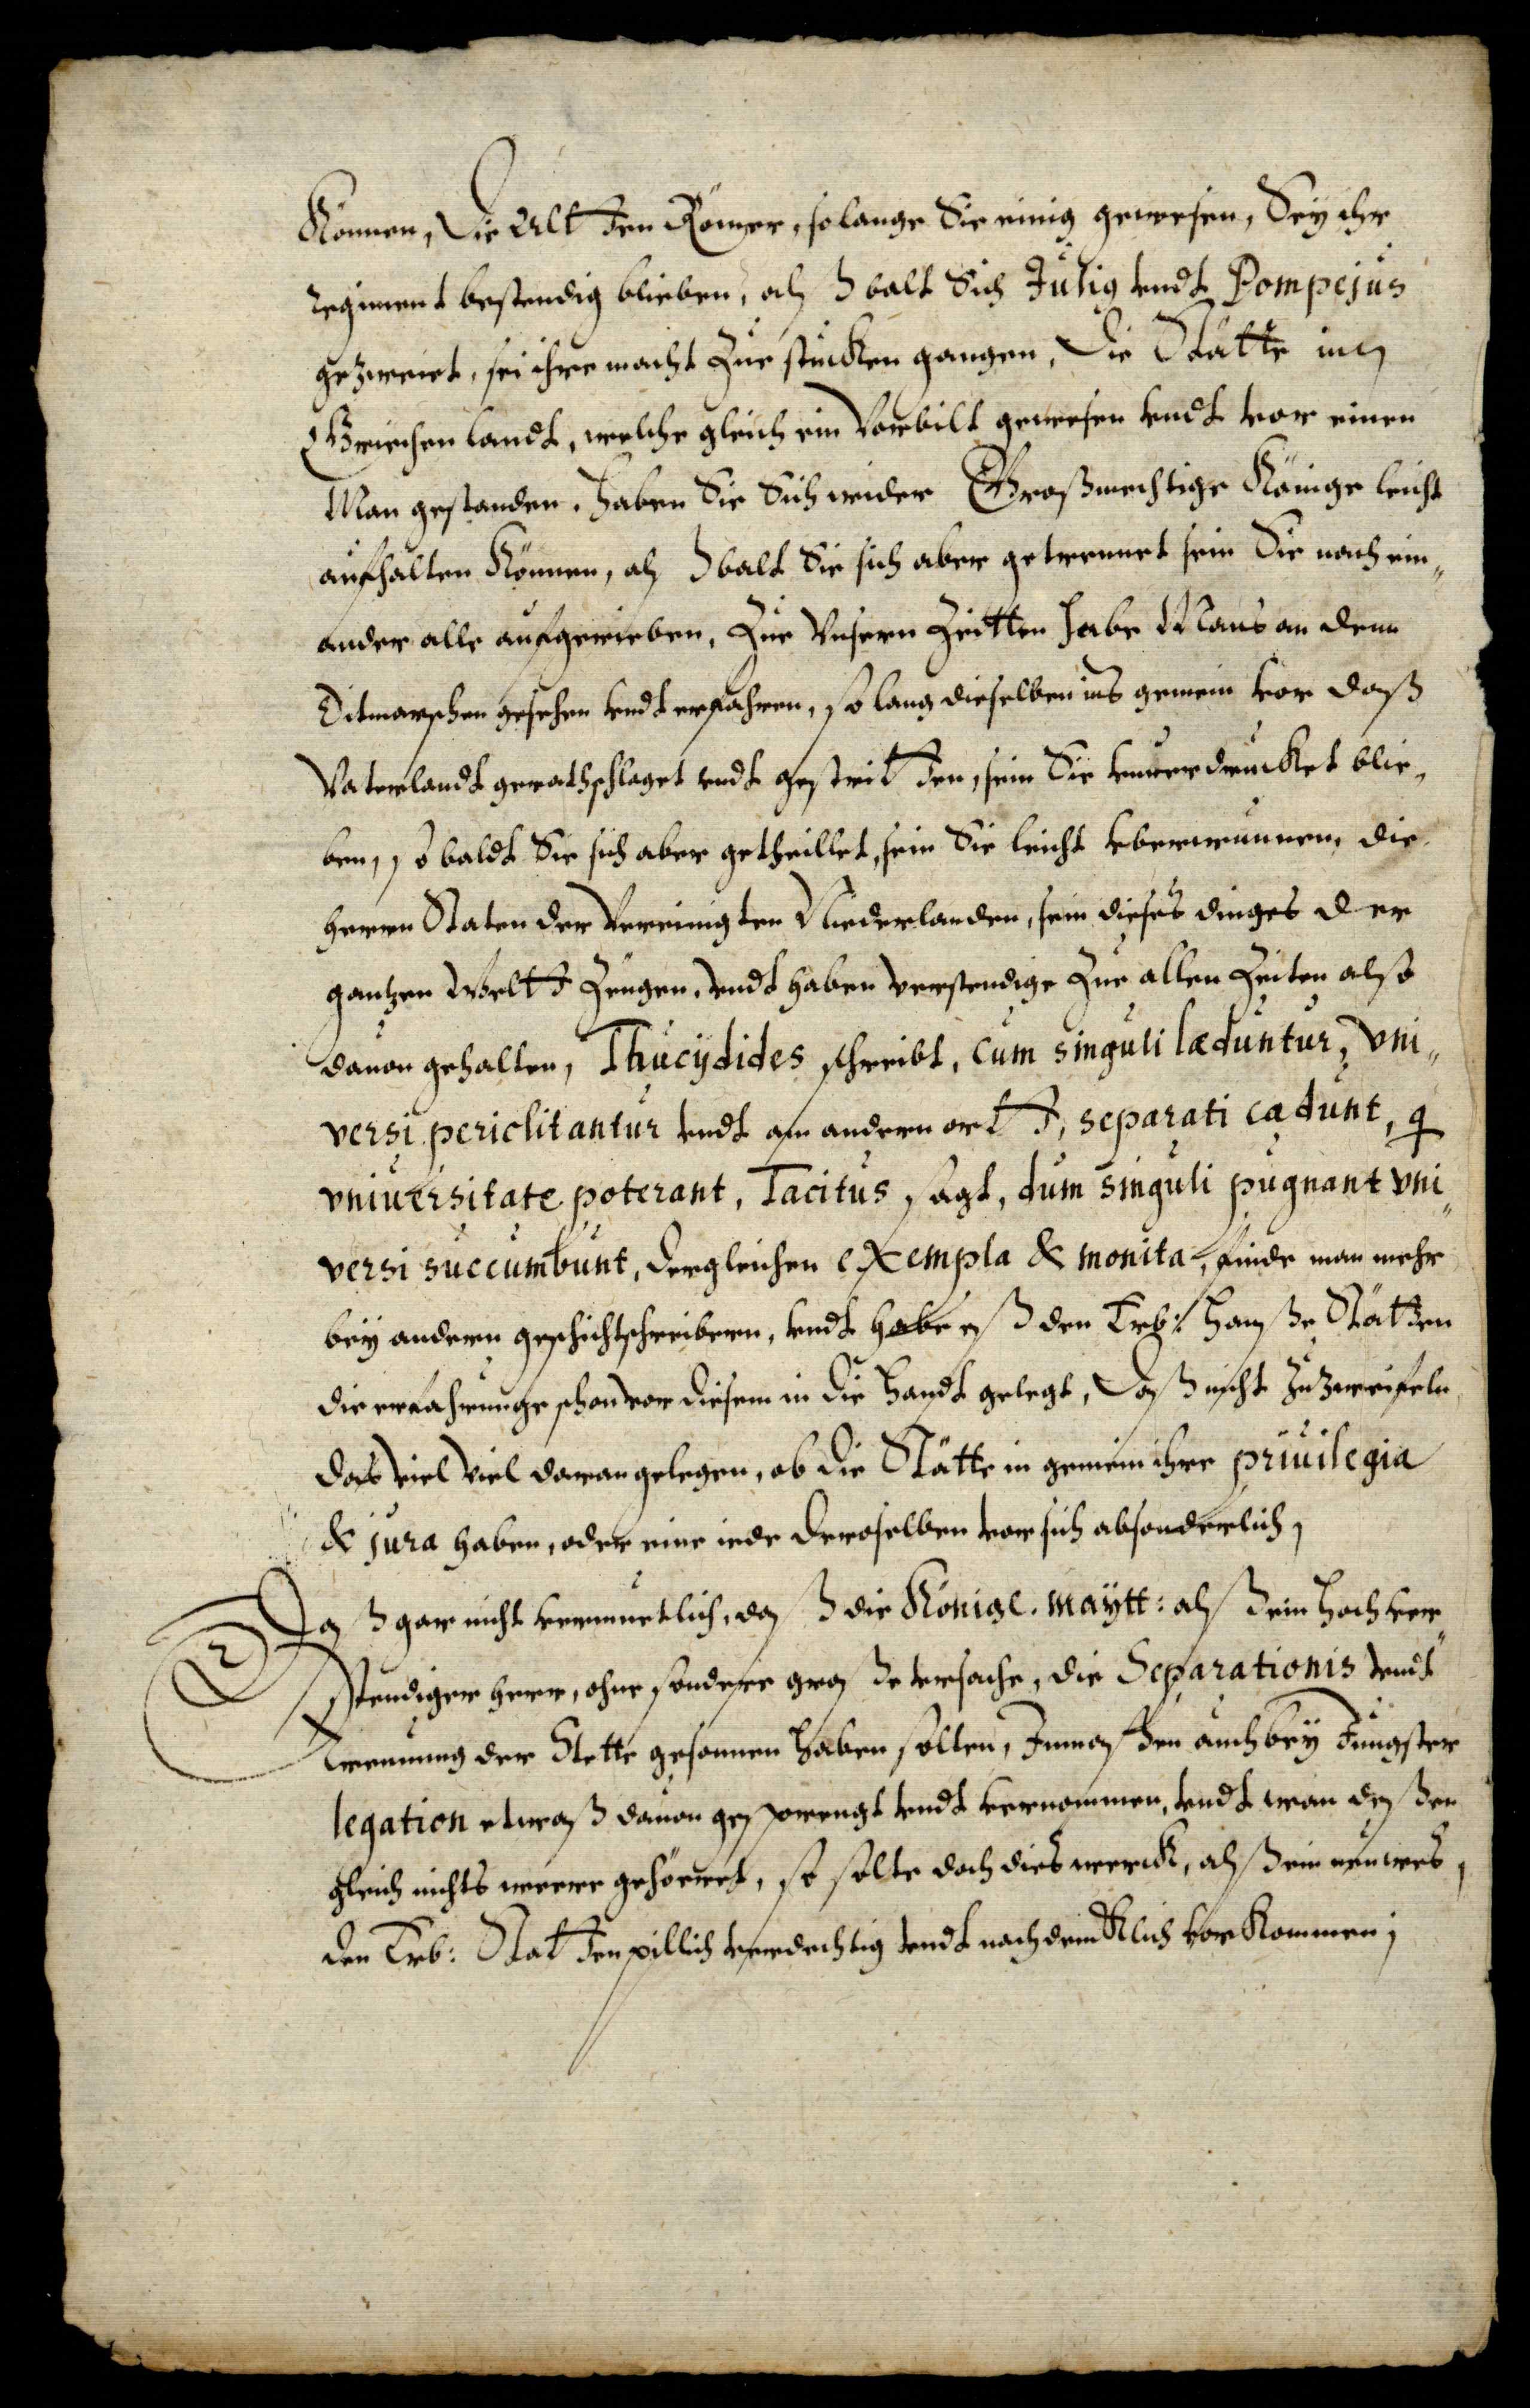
Können, Die Altten Römer, solange Sie einig gewesen, Seij ihr
regiment bestendig blieben, alß balt Sich Julius vndt Pompejus
gezweiet, sei ihre macht Zue stucken gangen, Die Stätte inn
Griechenlandt, welche gleich ein Vorbilt gewesen vndt vor einen
Man gestanden. Haben Sie Sich wider Großmechtige Könige leicht
aufhalten Können, alßbalt Sie sich aber getrennet sein Sie nach ein¬
ander alle aufgerieben, Zue Vnsern Zeitten habe Mans an denn
Ditmarschen gesehen vndt erfahren, so lang dieselben ins gemein vor daß
Vaterlandt gerathschlaget vndt gestritten, sein Sie vnver drucket blie¬
ben, so baldt Sie sich aber getheillet, sein Sie leicht vberwunnen, die
herrn Staten der Vereinigten Niederlanden, sein dieses dinges der
gantzen Weltt Zeugen, vndt haben verstendige Zue allen zeiten also
dauon gehalten, Thucijdides schreibt, cum singuli laeduntur, vni¬
versi periclitantur vndt am andern ortt, separati cadunt, quae
vniuersitate poterant, Tacitus sagt, dum singuli pugnant vni¬
versi succumbunt, dergleichen exempla & monita, finde man mehr
beij andern geschichtschreibern, vndt habe eß den Erb: Hanße Stätten
die erfahrunge schon vor diesem in die Handt gelegt, Daß nicht zuzweifeln
das viel viel daran gelegen, ob die Stätte in gemein ihre priuilegia
& iura haben, oder eine iede deroselben vor sich absonderlich,
Daß gar nicht vermuetlich, daß die Königl. Maijtt: alß ein Hochver¬
stendiger herr, ohne sondere große vrsache, die Separationis vndt
Trennung der Stette gesonnen haben sollen, Inmaßen auch beij Jungster
legation etwaß dauon gesprengt vndt vernommen, vndt wan deßen
gleich nichts weere gehöeret, so solte doch dies werck, alß ein neuwes,
den Erb: Statten pillich verdechtig vndt nachdencklich vorkommen;
2
